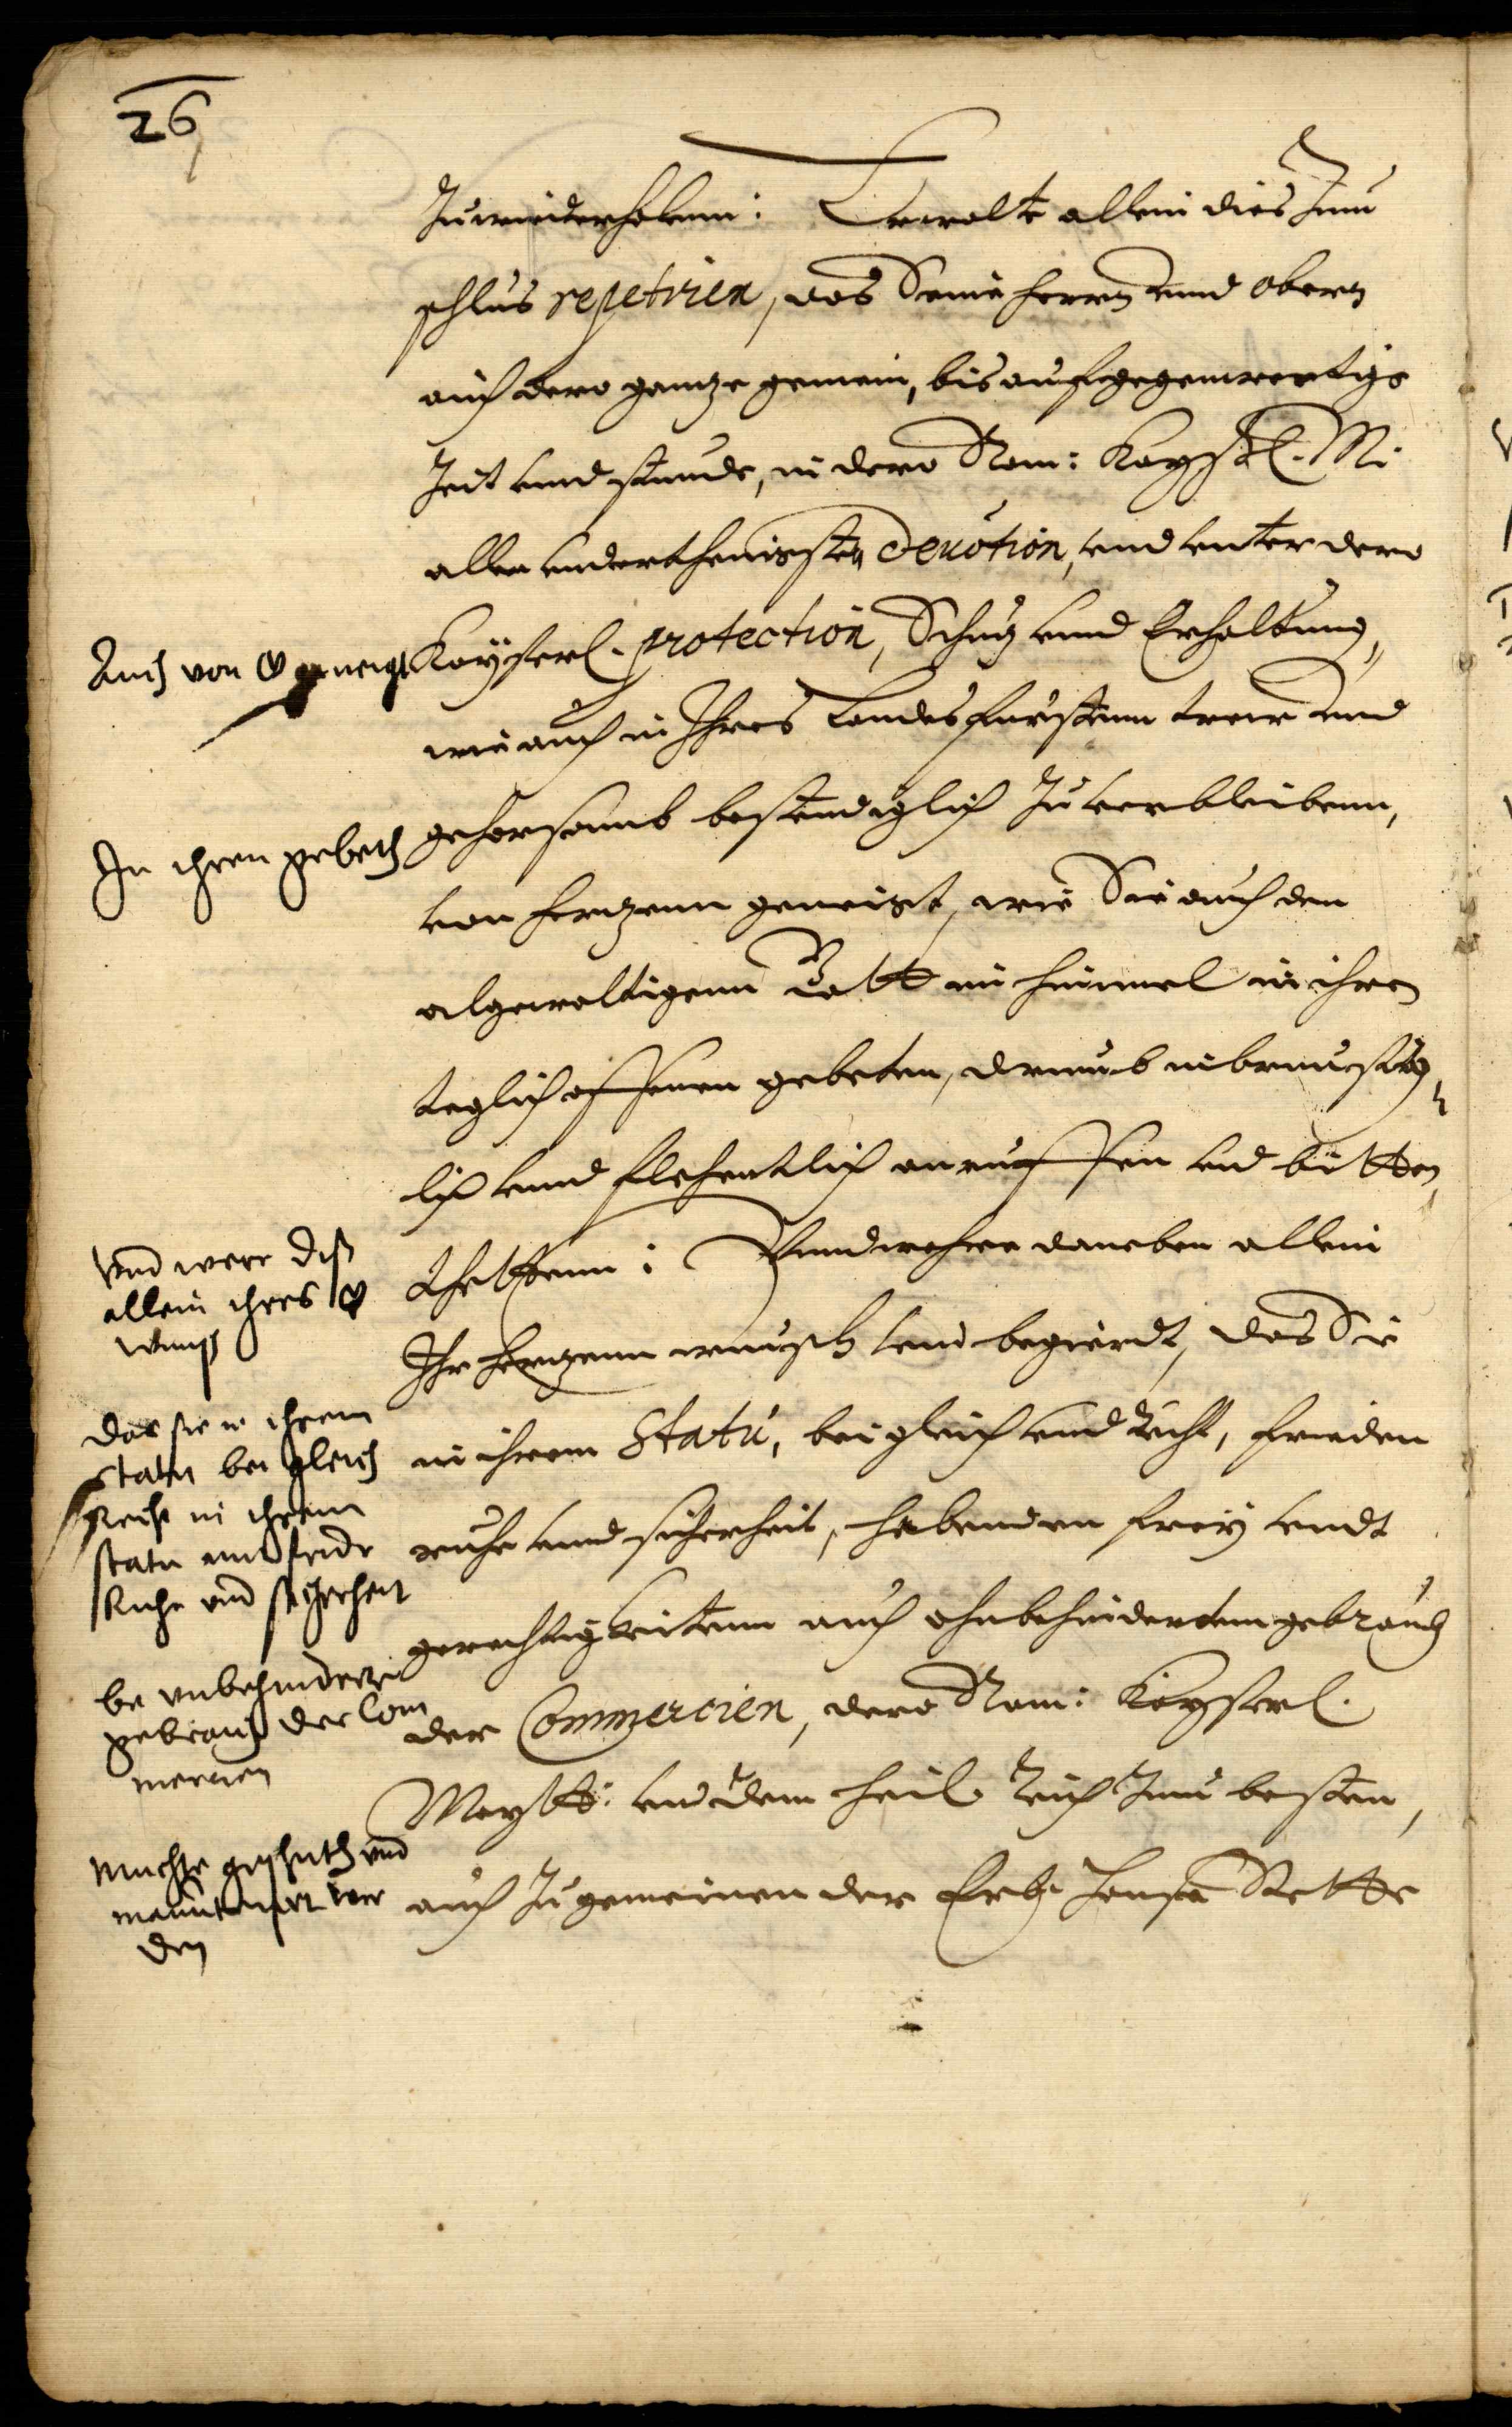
26
zuwiederholenn: Er wolte allein dies zum
schlus repetiren, das Seine herrn vnnd obern
auch dero gantze gemein, bis auf gegenwertige
zeit vnnd stunde, in dero Rom: Kayßl. M:
allen vnderthenigsten deuotion, vnd vnter dero
Kaijßerl. protection, Schutz vnnd Erhaltung,
wie auch in Ihres Landesfurstenn trew vnd
gehorsamb bestendiglich zu verbleibenn,
von hertzenn geneiget, wie Sie auch dem
algewaltigenn Gott im himmel in ihren
teglich offenen gebeten, drumb inbrunstig¬
lich vnnd flehentlich anruffen vnd bitten
thettenn: Vnnd wehre daneben allein
Ihr hertzenn wunsch vnd begierdt, das Sie
in ihrem Statu, bei gleich vnd recht, frieden
ruhr vnd sicherheit, habenden freij vndt
gerechtigkeitenn auch ohn behindertem gebrauch
der Commercien, dero Rom: Kayßerl.
Maytt: vnd dem heil. Reich zum besten,
auch zu gemeinen der Erb. hanse Stette
Auch von G geneigt
In ihren gebeth
vnd were diß
allein ihres G
wunsch
das sie in ihrem
statu bei gleich
Recht in ihrem
statu und fride
Ruhe vnd sicherheit
bei vnbehinderte
gebrauch der Com
mercien
muchte geschutz vnd
manutenirt wer
den
